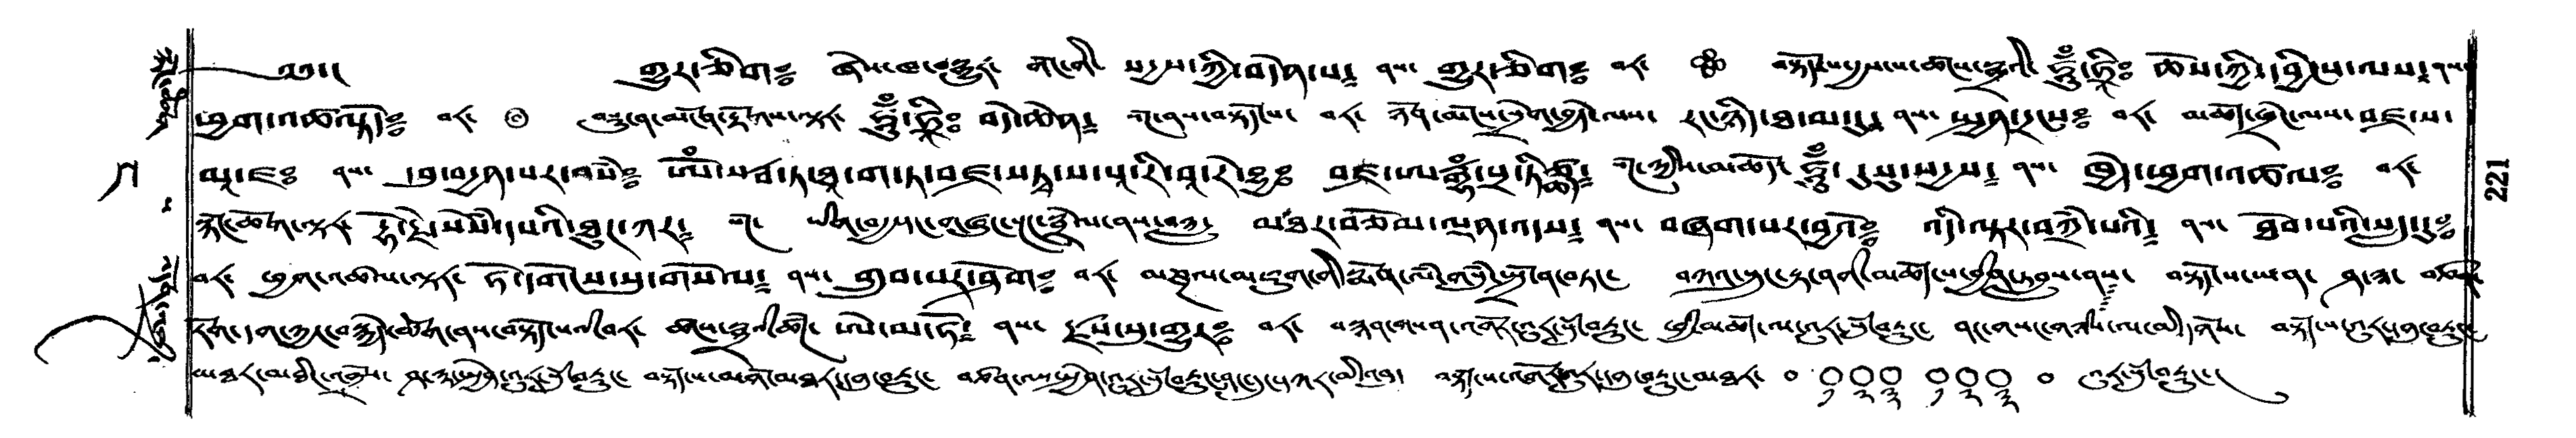གྱུར་ཅིག༔ ཞེས་ཁ་བསྒྱུར། གོང་གི སངས་རྒྱས་ཀྱི་བདེན་པ༴ ནས། གྱུར་ཅིག༔ བར། བསྟོད་པ་རྒྱས་པ་ཚངས་སྒྲའ ི། ཧཱུྃ་ཧྲཱི༔ ཆོས་ཀྱི་དབྱིངས་ལས༴ ནས། 
ཕྱག་འཚལ་བསྟོད༔ བར། བསྡུ་ན་མངོན་རྟོགས་ལྟར། ཧཱུྃ་ཧྲཱི༔ བདེ་ཆེན༴ སོགས་ནས་བསྟོད་པ། བར། ཉོན་མོངས་སྲེག་བྱེད་ལས། རང་ཉིད་ཐ་མལ་དུ༴ ནས། སྤྱན་དྲངས༔ བར། མཆོད་ཕྲེང་ལས། བཛྲ་ས་
མཱ་ཛ༔ ནས། དབུ་བརྒྱན་པར་བསམ༔ ཨོཾ་སརྦ་ཏ་ཐཱ་ག་ཏ་བཛྲ་ས་ཏྭ་ས་པཱ་རི་བཱ་རེ་བྷྱཿ བཛྲ་ཨརྒྷཾ་པྲ་ཏིཚྪ༴ སོགས་ཀྱིས་མཆོད། ཧཱུྃ༔ དུས་གསུམ་སངས་རྒྱས༴ ནས། ཁྱེད་ཕྱག་འཚལ༔ བར། 
སྐོང་ཆོག་ལྟར། རྡོ་རྗེ་སེམས་པའི་ཐུགས་ཀར༴ སོགས། ཡིག་བརྒྱ་དང་གཞུང་སྔགས་སྦྲེལ་ནས་བཟླ། མཐར་བཅོམ་ལྡན་འདས༴ ནས། བཞག་པར་བྱའོ༔ འདི་ལྟར་བཀྲམ་པའི༴ ནས། ཐོབ་པའི་སླད་དུ༔ 
བར། ཕྱག་འཚལ་ལྟར། ཧོ༔དགོངས་སུ་གསོལ༴ ནས། གྲུབ་པར་ཤོག༔ བར། མཎྜལ་མཇུག་གི་སྨོན་ལམ་གསུམ་སྤྲོ་ན་གཏང་། བཀའ་སྲུང་རྟ་ནག་གི་མཆོད་པ་བྱིན་རླབས་ནས། བསྟོད་པ་ཡན། ཤ་ཟ། བཙན་
རོག་དག་ཀྱང་སྐྱེད་ཆོག་ནས་བསྟོད་པའི་བར། ཚངས་སྒྲའི་ཚོགས། ཨེ་མ་ཧོ༴ ནས། རྫས་སུ་གྱུར༔ བར།